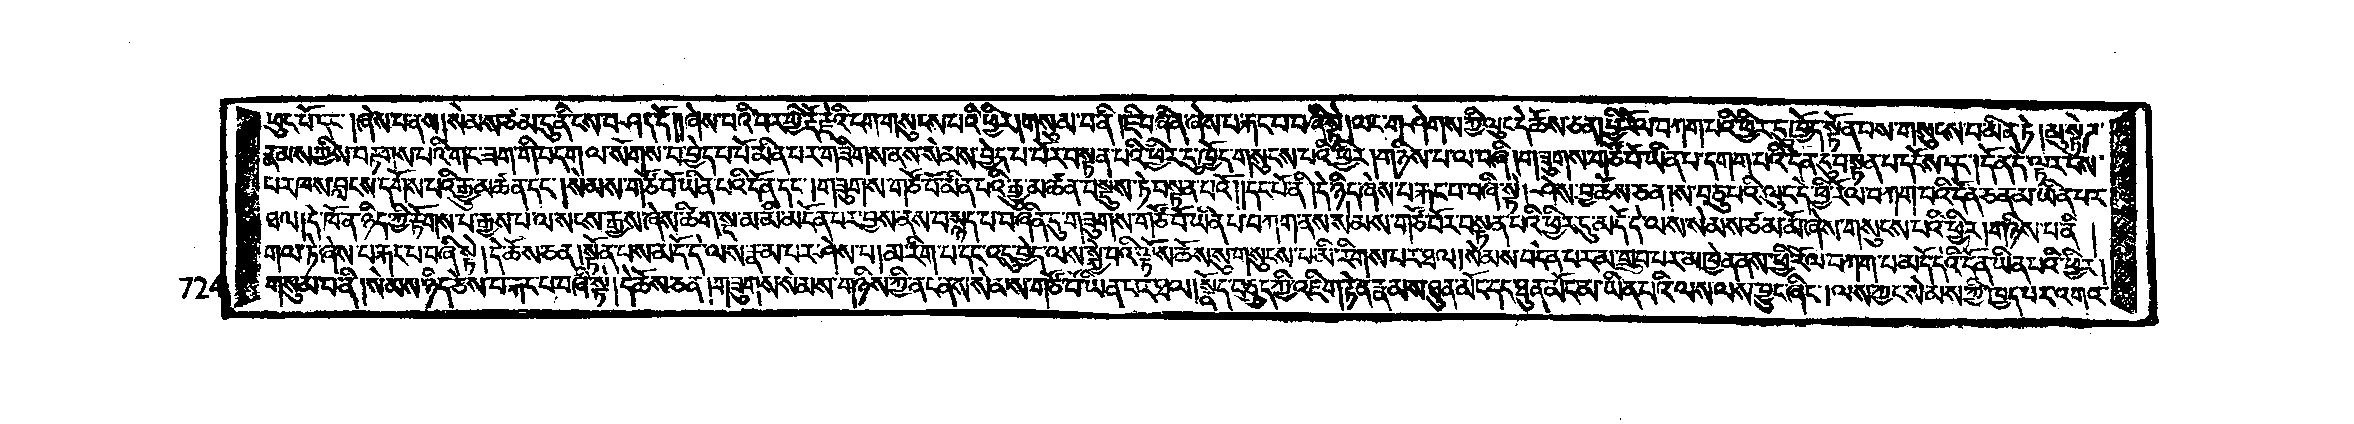ཕུང་པོ་དང་། ཞེས་པ་ནས། སེམས་ཙམ་དུ་ནི་ངེས་བཤད་དོ། །ཞེས་པའི་བར་གྱི་རྡོ་རྗེའི་ངག་གསུངས་པའི་ཕྱིར། གསུམ་པ་ནི། ཇི་བཞིན་ཞེས་པ་རྐང་པ་བཞི་སྟེ། ལང་གཤེགས་ཀྱི་ལུང་དེ་ཆོས་ཅན། ཕྱི་རོལ་བཀག་པའི་ཕྱིར་དུ་ཁྱོད་སྟོན་པས་གསུངས་པ་མིན་ཏེ། མུ་སྟེགས་
རྣམས་ཀྱིས་བརྟགས་པའི་གང་ཟག་གི་བདག་ལ་སོགས་པ་བྱེད་པ་པོ་མིན་པར་གཟིགས་ནས་སེམས་བྱེད་པ་པོར་བསྟན་པའི་ཕྱིར་དུ་ཁྱོད་གསུངས་པའི་ཕྱིར། གཉིས་པ་ལ་བཞི། གཟུགས་གཙོ་བོ་ཡིན་པ་དགག་པའི་དོན་དུ་བསྟན་པ་དངོས་དང་། དོན་དེ་ལྟར་ངེས་
པར་ཁས་བླངས་དགོས་པའི་རྒྱུ་མཚན་དང་། སེམས་གཙོ་བོ་ཡིན་པའི་དོན་དང་། གཟུགས་གཙོ་བོ་མིན་པའི་རྒྱུ་མཚན་བསྡུས་ཏེ་བསྟན་པའོ། །དང་པོ་ནི། དེ་ཉིད་ཞེས་པ་རྐང་པ་བཞི་སྟེ། ཤེས་བྱ་ཆོས་ཅན། ས་བཅུ་པའི་ལུང་དེ་ཕྱི་རོལ་བཀག་པའི་དོན་ཅན་མ་ཡིན་པར་
ཐལ། དེ་ཁོ་ན་ཉིད་ཀྱི་རྟོགས་པ་རྒྱས་པ་ལ་སངས་རྒྱས་ཞེས་ཚིག་སྔ་མ་མི་མངོན་པར་བྱས་ནས་བསྙད་པ་བཞིན་དུ་གཟུགས་གཙོ་བོ་ཡིན་པ་བཀག་ནས་སེམས་གཙོ་བོར་བསྟན་པའི་ཕྱིར་དུ་མདོ་དེ་ལས་སེམས་ཙམ་མོ་ཞེས་གསུངས་པའི་ཕྱིར། གཉིས་པ་ནི།
གལ་ཏེ་ཞེས་པ་རྐང་པ་བཞི་སྟེ། དེ་ཆོས་ཅན། སྟོན་པས་མདོ་དེ་ལས་རྣམ་པར་ཤེས་པ། མ་རིག་པ་དང་འདུ་བྱེད་ལས་སྐྱེ་བའི་ལྟོས་ཆོས་སུ་གསུངས་པ་མི་རིགས་པར་ཐལ། སེམས་བདེན་པར་མ་གྲུབ་པར་མཁྱེན་ནས་ཕྱི་རོལ་བཀག་པ་མདོ་དེའི་དོན་ཡིན་པའི་ཕྱིར།
གསུམ་པ་ནི། སེམས་ཉིད་ཅེས་པ་རྐང་པ་བཞི་སྟེ། དེ་ཆོས་ཅན། གཟུགས་སེམས་གཉིས་ཀྱི་ནང་ནས་སེམས་གཙོ་བོ་ཡིན་པར་ཐལ། སྣོད་བཅུད་ཀྱི་འཇིག་རྟེན་རྣམས་ཐུན་མོང་དང་ཐུན་མོང་མ་ཡིན་པའི་ལས་ལས་བྱུང་ཞིང་། ལས་ཀྱང་སེམས་ཀྱི་ཁྱད་པར་འགའ་